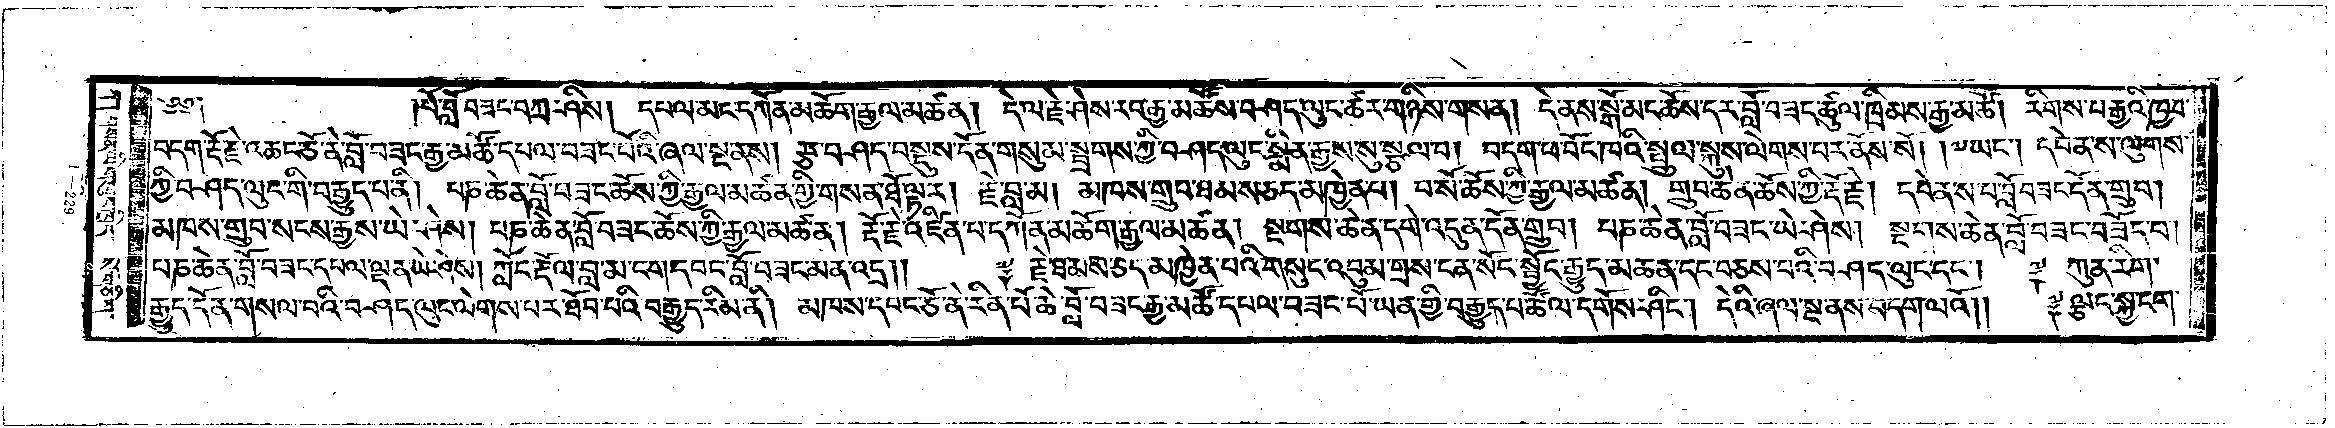༄༅། །པོ་བློ་བཟང་བཀྲ་ཤིས། དཔལ་མང་དཀོན་མཆོག་རྒྱལ་མཚན། དེ་ལ་རྗེ་ཤེས་རབ་རྒྱ་མཚོས་བཤད་ལུང་ཚར་གཉིས་གསན། དེ་ནས་སྒོ་མང་ཆོས་དར་བློ་བཟང་ཚུལ་ཁྲིམས་རྒྱ་མཚོ། རིགས་པ་རྒྱའི་ཁྱབ་
བདག་རྡོ་རྗེ་འཆང་ཅོ་ནེ་བློ་བཟང་རྒྱ་མཚོ་དཔལ་བཟང་པོའི་ཞལ་སྔ་ནས། རྩ་བཤད་བསྡུས་དོན་གསུམ་སྦྲགས་ཀྱི་བཤད་ལུང་སྨིན་རྒྱས་སུ་སྩལ་བ། བདག་ཕ་བོང་ཁའི་སྤྲུལ་སྐུས་ལེགས་པར་ནོས་སོ། །༧ཡང་། དབེན་ས་ལུགས་
ཀྱི་བཤད་ལུང་གི་བརྒྱུད་པ་ནི། པཎ་ཆེན་བློ་བཟང་ཆོས་ཀྱི་རྒྱལ་མཚན་གྱི་གསན་ཐོ་ལྟར། རྗེ་བླ་མ། མཁས་གྲུབ་ཐམས་ཅད་མཁྱེན་པ། བ་སོ་ཆོས་ཀྱི་རྒྱལ་མཚན། གྲུབ་ཆེན་ཆོས་ཀྱི་རྡོ་རྗེ། དབེན་ས་པ་བློ་བཟང་དོན་གྲུབ།
མཁས་གྲུབ་སངས་རྒྱས་ཡེ་ཤེས། པཎ་ཆེན་བློ་བཟང་ཆོས་ཀྱི་རྒྱལ་མཚན། རྡོ་རྗེ་འཛིན་པ་དཀོན་མཆོག་རྒྱལ་མཚན། སྔགས་ཆེན་དགེ་འདུན་དོན་གྲུབ། པཎ་ཆེན་བློ་བཟང་ཡེ་ཤེས། སྔགས་ཆེན་བློ་བཟང་བཟོད་བ།
པཎ་ཆེན་བློ་བཟང་དཔལ་ལྡན་ཡེ་ཤེས། ཀློང་རྡོལ་བླ་མ་ངག་དབང་བློ་བཟང་མན་འདྲ།། འ་རྗེ་ཐམས་ཅད་མཁྱེན་པའི་གསུང་འབུམ་གྲས་ངག་སོང་སྦྱོང་རྒྱུད་མཆན་དང་བཅས་པའི་བཤད་ལུང་དང་། འ་ཀུན་རིག་
རྒྱུད་དོན་གསལ་བའི་བཤད་ལུང་ལེགས་པར་ཐོབ་པའི་བརྒྱུད་རིམ་ནི། མཁས་དབང་ཅོ་ནེ་རིན་པོ་ཆེ་བློ་བཟང་རྒྱ་མཚོ་དཔལ་བཟང་པོ་ཡན་གྱི་བརྒྱུད་པ་ཚོལ་དགོས་ཤིང་། དེའི་ཞལ་སྔ་ནས་བདག་ལའོ།། འ་ལྕང་སྐྱ་ངག་